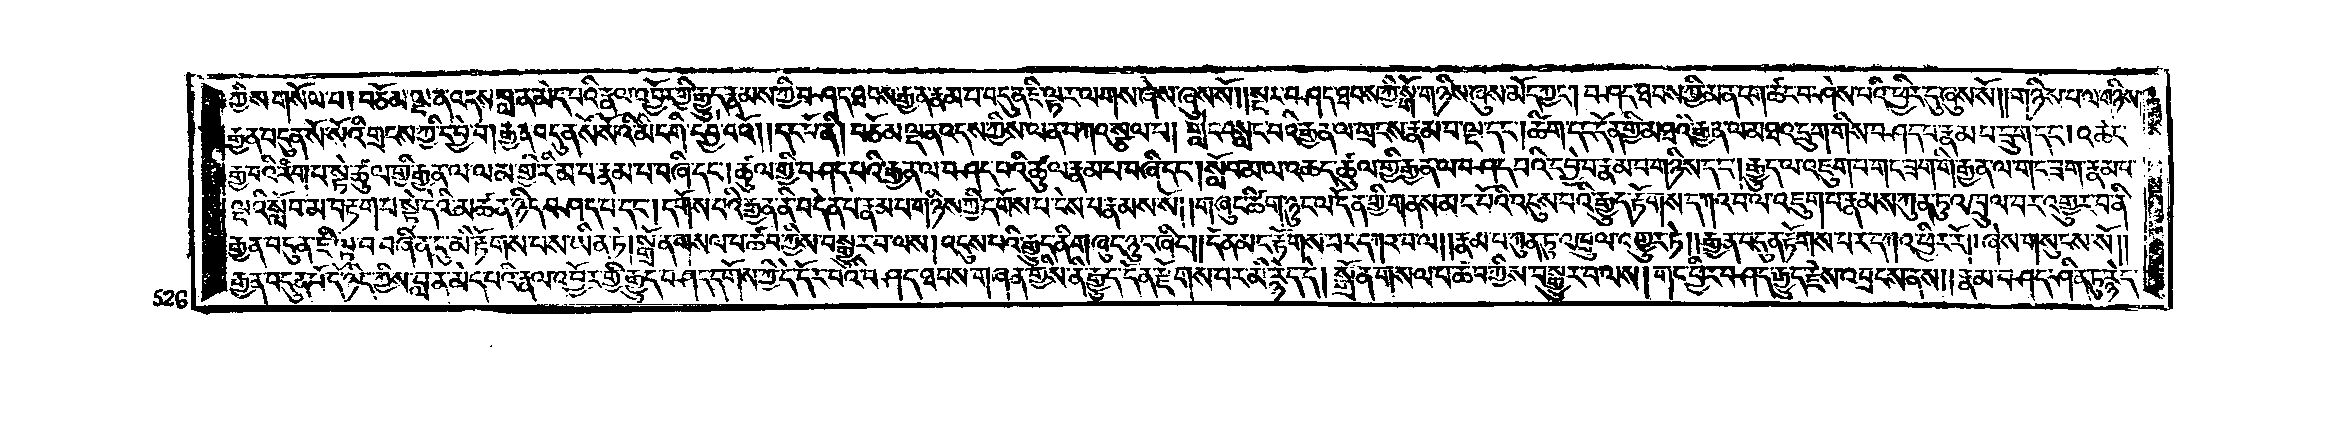ཀྱིས་གསོལ་པ། བཅོམ་ལྡན་འདས་བླ་ན་མེད་པའི་རྣལ་འབྱོར་གྱི་རྒྱུད་རྣམས་ཀྱི་བཤད་ཐབས་རྒྱན་རྣམ་པ་བདུན་ཇི་ལྟར་ལགས་ཞེས་ཞུས་སོ། །སྔར་བཤད་ཐབས་ཀྱི་སྒོ་གཉིས་ཞུས་མོད་ཀྱང་། བཤད་ཐབས་ཀྱི་མན་ངག་ཚང་བ་ཤེས་པའི་ཕྱིར་དུ་ཞུས་སོ། །གཉིས་པ་ལ་གཉིས།
རྒྱན་བདུན་སོ་སོའི་གྲངས་ཀྱི་དབྱེ་བ། རྒྱན་བདུན་སོ་སོའི་མིང་གི་དབྱེ་བའོ། །དང་པོ་ནི། བཅོམ་ལྡན་འདས་ཀྱིས་ལན་བཀའ་སྩལ་པ། གླེང་བསླང་བའི་རྒྱན་ལ་གྲངས་རྣམ་པ་ལྔ་དང་། ཚིག་དང་དོན་གྱི་མཐའི་རྒྱན་ལ་མཐའ་དྲུག་གིས་བཤད་པ་རྣམ་པ་དྲུག་དང་། འཚང་
རྒྱ་བའི་རིག་པ་སྟེ་ཚུལ་གྱི་རྒྱན་ལ་ལམ་གྱི་རིམ་པ་རྣམ་པ་བཞི་དང་། ཚུལ་གྱི་བཤད་པའི་རྒྱན་ལ་བཤད་པའི་ཚུལ་རྣམ་པ་བཞི་དང་། སློབ་མ་ལ་འཆད་ཚུལ་གྱི་རྒྱན་ལ་བཤད་པའི་དབྱེ་བ་རྣམ་པ་གཉིས་དང་། རྒྱུད་ལ་འཇུག་པ་གང་ཟག་གི་རྒྱན་ལ་གང་ཟག་རྣམ་པ་
ལྔའི་སློབ་མ་བརྟག་པ་སྟེ་དེའི་མཚན་ཉིད་བཤད་པ་དང་། དགོས་པའི་རྒྱན་ནི་བདེན་པ་རྣམ་པ་གཉིས་ཀྱི་དགོས་པ་ངེས་པ་རྣམས་སོ། །གཞུང་ཚིག་ཉུང་ལ་དོན་གྱི་གནས་མང་པོའི་འདུས་པའི་རྒྱུད་རྟོགས་དཀའ་བ་ལ་འཇུག་པ་རྣམས་ཀུན་ཏུ་འཁྲུལ་བར་འགྱུར་བ་ནི་
རྒྱན་བདུན་ཇི་ལྟ་བ་བཞིན་དུ་མི་རྟོགས་པས་ཡིན་ཏེ། སྒྲོན་གསལ་པ་ཚབ་ཀྱིས་བསྒྱུར་བ་ལས། འདུས་པའི་རྒྱུད་ནི་གཞུང་ཉུང་ཞིང་། །དོན་མང་རྟོགས་པར་དཀའ་བ་ལ། །རྣམ་པ་ཀུན་ཏུ་འཁྲུལ་འགྱུར་ཏེ། །རྒྱན་བདུན་རྟོགས་པར་དཀའ་ཕྱིར་རོ། །ཞེས་གསུངས་སོ། །
རྒྱན་བདུན་པོ་དེ་ཉིད་ཀྱིས་བླ་ན་མེད་པའི་རྣལ་འབྱོར་གྱི་རྒྱུད་བཤད་དགོས་ཀྱི་དེ་དོར་བའི་བཤད་ཐབས་གཞན་གྱིས་ནི་རྒྱུད་དོན་རྫོགས་པར་མི་རྙེད་དེ། སྒྲོན་གསལ་པ་ཚབ་ཀྱིས་བསྒྱུར་བ་ལས། གང་ཕྱིར་བཤད་རྒྱུད་རྗེས་འབྲངས་ནས། །རྣམ་བཤད་ཤིན་ཏུ་རྙེད་